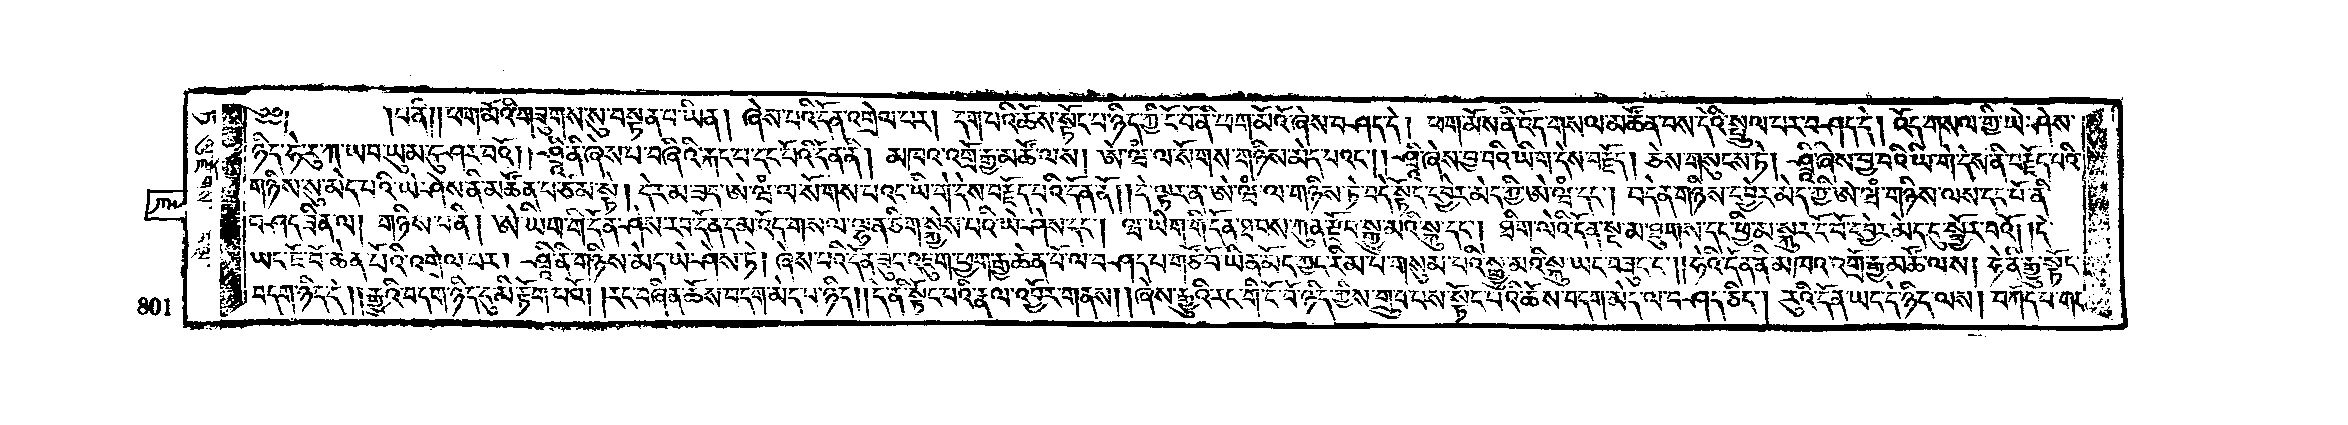༄༅། །པ་ནི། །ཕག་མོའི་གཟུགས་སུ་བསྟན་པ་ཡིན། ཞེས་པའི་དོན་འགྲེལ་པར། དག་པའི་ཆོས་སྟོང་པ་ཉིད་ཀྱི་ངོ་བོ་ནི་ཕག་མོའོ་ཞེས་བཤད་དེ། ཕག་མོས་ནི་འོད་གསལ་མཚོན་བས་དེའི་སྤྲུལ་པར་བཤད་དེ། འོད་གསལ་གྱི་ཡེ་ཤེས་
ཉིད་ཧེ་རུ་ཀ་ཡབ་ཡུམ་དུ་ཤར་བའོ། །ཤྲཱི་ནི་ཞེས་པ་བཞིའི་རྐང་པ་དང་པོའི་དོན་ནི། མཁའ་འགྲོ་རྒྱ་མཚོ་ལས། ཨེ་ཝཾ་ལ་སོགས་གཉིས་མེད་པའང་། །ཤྲཱི་ཞེས་བྱ་བའི་ཡིག་དེས་བརྗོད། ཅེས་གསུངས་ཏེ། ཤྲཱི་ཞེས་བྱ་བའི་ཡི་གེ་དེས་ནི་བརྗོད་པའི་
གཉིས་སུ་མེད་པའི་ཡེ་ཤེས་ནི་མཚོན་པ་ཙམ་སྟེ། དེར་མ་ཟད་ཨེ་ཝཾ་ལ་སོགས་པའང་ཡི་གེ་དེས་བརྗོད་པའི་དོན་ནོ། །དེ་ལྟར་ན་ཨེ་ཝཾ་ལ་གཉིས་ཏེ་བདེ་སྟོང་དབྱེར་མེད་ཀྱི་ཨེ་ཝཾ་དང་། བདེན་གཉིས་དབྱེར་མེད་ཀྱི་ཨེ་ཝཾ་གཉིས་ལས་དང་པོ་ནི་
བཤད་ཟིན་ལ། གཉིས་པ་ནི། ཨེ་ཡིག་གི་དོན་ཤེས་རབ་དོན་དམ་འོད་གསལ་ལྷན་ཅིག་སྐྱེས་པའི་ཡེ་ཤེས་དང་། ཝ་ཡིག་གི་དོན་ཐབས་ཀུན་རྫོབ་སྒྱུ་མའི་སྐུ་དང་། ཐིག་ལེའི་དོན་སྔ་མ་ཐུགས་དང་ཕྱི་མ་སྐུར་ངོ་བོ་དབྱེར་མེད་དུ་སྦྱོར་བའོ། །དེ་
ཡང་ཇོ་བོ་ཆེན་པོའི་འགྲེལ་པར། ཤྲཱི་ནི་གཉིས་མེད་ཡེ་ཤེས་ཏ། ཞེས་པའི་དོན་ཟུང་འཇུག་ཕྱག་རྒྱ་ཆེན་པོ་ལ་བཤད་པ་གཙོ་བོ་ཡིན་མོད་ཀྱང་རིམ་པ་གསུམ་པའི་སྒྱུ་མའི་སྐུ་ཡང་བཟུང་ངོ། །ཧེའི་དོན་ནི་མཁའ་འགྲོ་རྒྱ་མཚོ་ལས། ཧེ་ནི་རྒྱུ་སྟོང་
བདག་ཉིད་དེ། །རྒྱུའི་བདག་ཉིད་དུ་མི་རྟོག་པའོ། །རང་བཞིན་ཆོས་བདག་མེད་པ་ཉིད། །དེ་ནི་སྟོང་པའི་རྣལ་འབྱོར་གནས། །ཞེས་རྒྱུའི་རང་གི་ངོ་བོ་ཉིད་ཀྱིས་གྲུབ་པས་སྟོང་པའི་ཆོས་བདག་མེད་ལ་བཤད་ཅིང་། རུའི་དོན་ཡང་དེ་ཉིད་ལས། བཀོད་པ་གང་